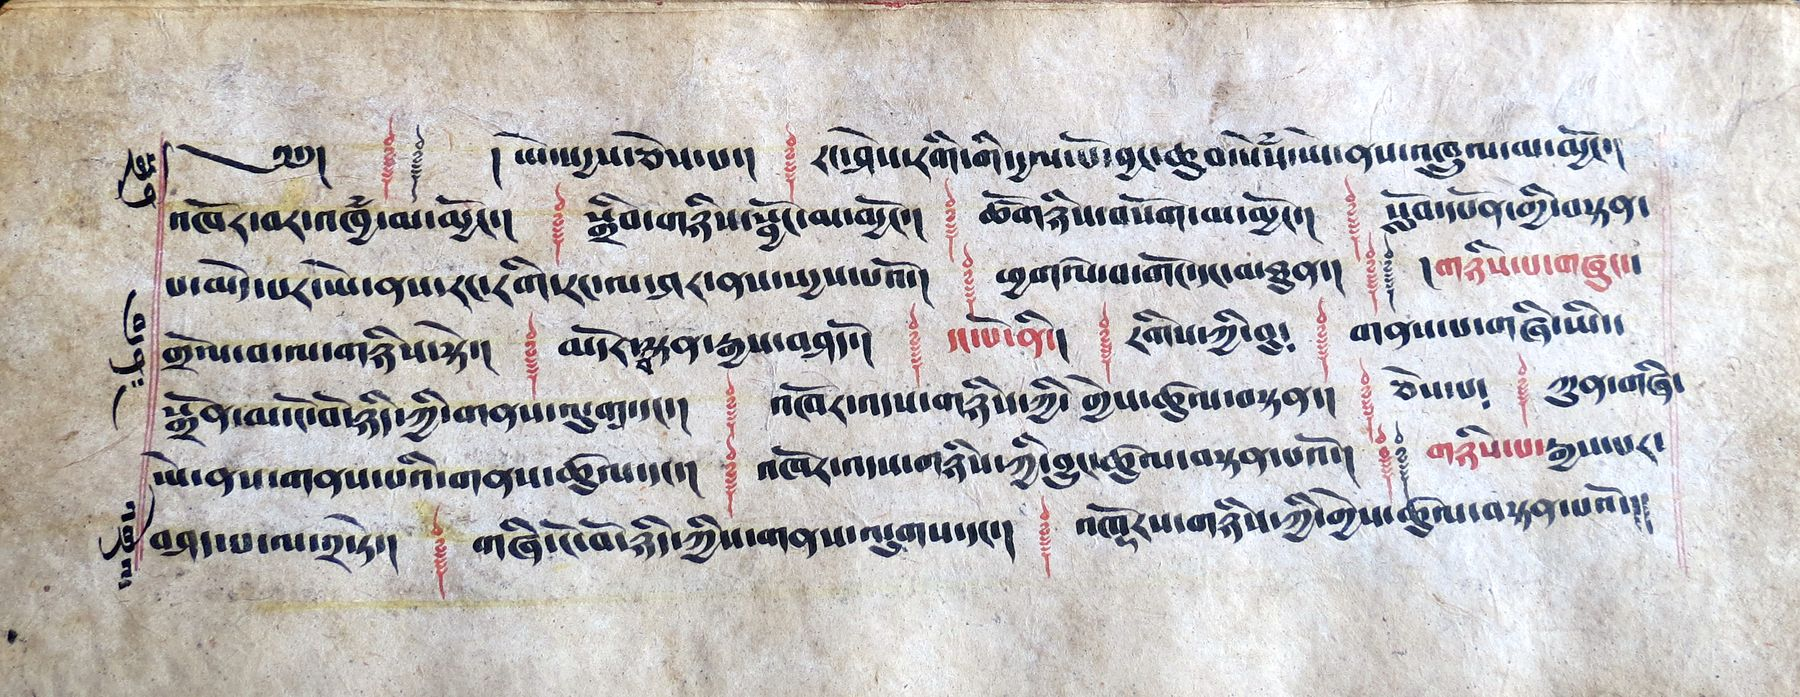ཡེ་སངས་རྒྱས་ཞེས་པས། རང་ཤེས་རིག་གི་རྒྱལ་པོ་བྱང་ཆུབ་སེམས་ཡེ་ནས་འཁྲུལ་མ་མྱོང་། 
འཁོར་བར་འཁྱམས་མ་མྱོང་། སྒྲིབ་གཉིས་སྦྱང་མ་མྱོང་། ཚོགས་གཉིས་བསགས་མ་མྱོང་། སློབ་དཔོན་གྱིས་བསྟན་
པ་མེད་པར་ཡེ་ནས་རང་རིག་རང་ལ་ཤར་ནས་སངས་རྒྱས་པའོ། །ཕྱག་འཚལ་བ་གོང་དང་མཐུན། གཉིས་པ་གཞུང་
གྲེལ་བ་ལ་གཉིས་ཏེ། མདོར་བསྟན་རྒྱས་བཤད་དོ། །དང་པོ་ནི་རིགས་ཀྱི་བུ་གནས་པ་གཞི་ཡི་
སྒྲོན་མ་ངོ་བོ་ཉིད་ཀྱི་གནས་ལུགས་དང་། འཁོར་འདས་གཉིས་ཀྱི་གྱེས་ཚུལ་བསྟན་ཞེས་པས། ཀུན་གཞི་
ཡེ་ནས་གནས་པའི་གནས་ཚུལ་དང་། འཁོར་འདས་གཉིས་ཀྱི་བྱུང་ཚུལ་བསྟན་པའོ། །གཉིས་པ་རྒྱས་པར་
བཤད་པ་ལ་གཉིས་ཏེ། གཞི་ངོ་བོ་ཉིད་ཀྱི་གནས་ལུགས་དང་། འཁོར་འདས་གཉིས་ཀྱི་གྱེས་ཚུལ་བསྟན་པའོ། །